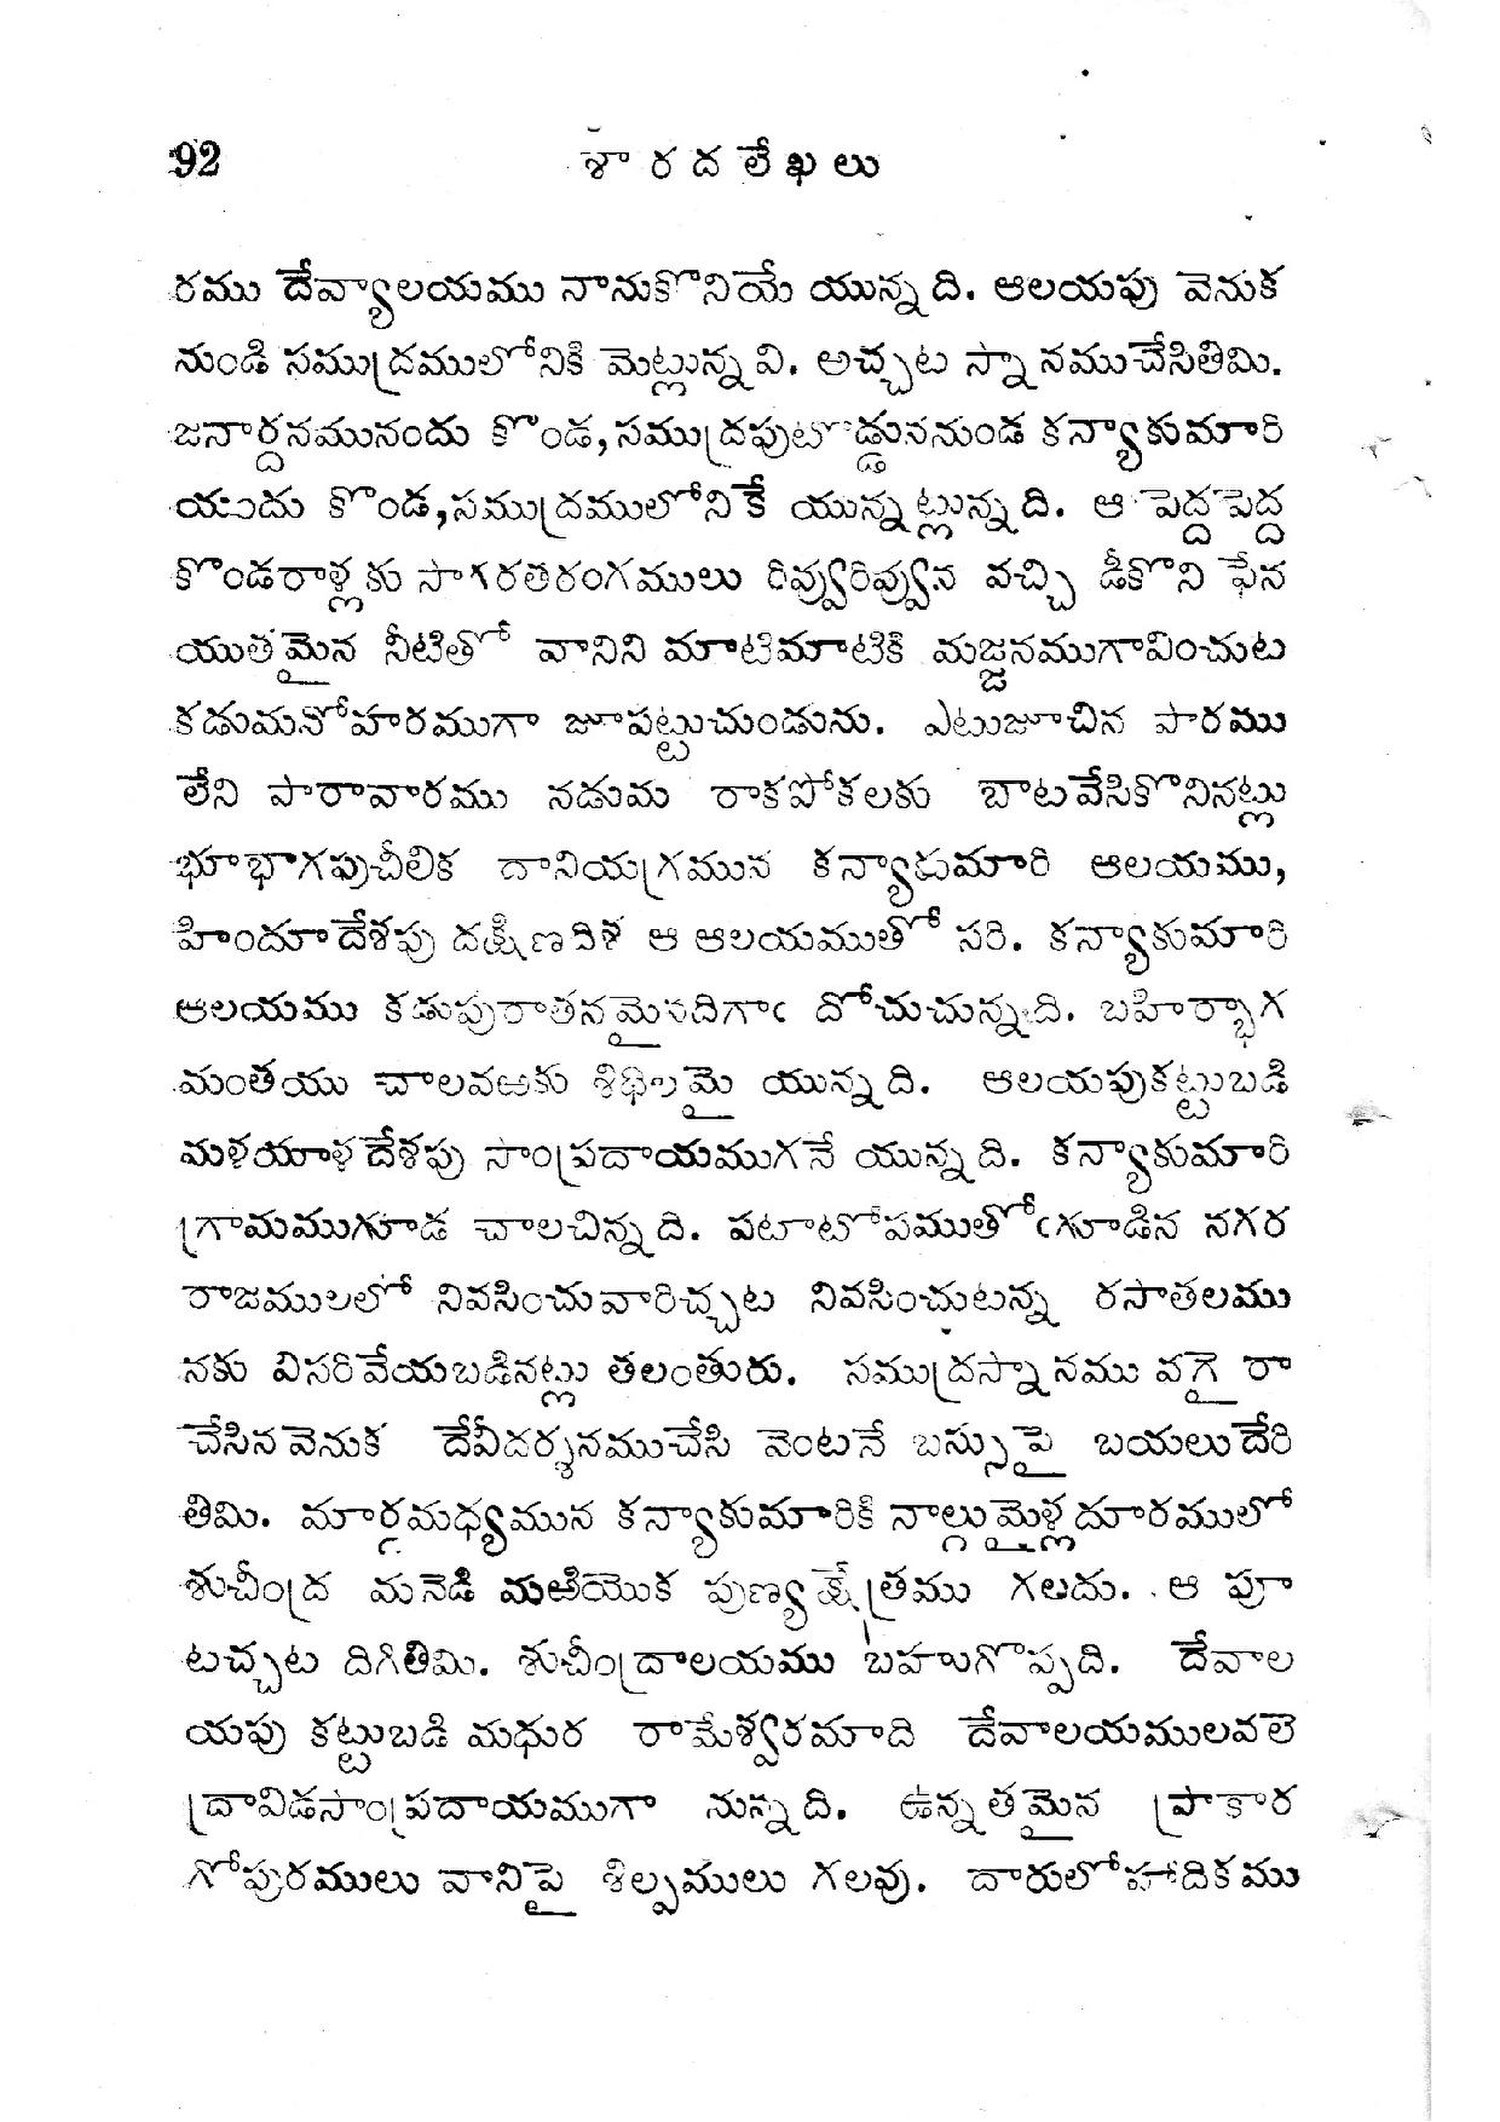రము దేవ్యాలయము నానుకొనియే యున్నది. ఆలయపు వెనుకనుండి సముద్రములోనికి మెట్లున్నవి. అచ్చట స్నానముచేసితిమి. జనార్దనమునందు కొండ, సముద్రపుటొడ్డుననుండ కన్యాకుమారియందు కొండ, సముద్రములోనికే యున్నట్లున్నది. ఆ పెద్దపెద్ద కొండరాళ్లకు సాగరతరంగములు రివ్వురివ్వున వచ్చి ఢీకొని ఫేనయుతమైన నీటితో వానిని మాటిమాటికి మజ్జనముగావించుట కడుమనోహరముగా జూపట్టుచుండును. ఎటుజూచిన పారములేని పారావారము నడుమ రాకపోకలకు బాటవేసికొనినట్లు భూభాగపుచీలిక దానియగ్రమున కన్యాకుమారి ఆలయము, హిందూదేశపు దక్షిణదిశ ఆ ఆలయముతో సరి. కన్యాకుమారి
ఆలయము కడుపురాతనమైనదిగాఁ దోచుచున్నది. బహిర్భాగమంతయు చాలవఱకు శిథిలమై యున్నది. ఆలయపుకట్టుబడి మళయాళదేశపు సాంప్రదాయముగనే యున్నది. కన్యాకుమారి గ్రామముగూడ చాలచిన్నది. పటాటోపముతోఁగూడిన నగర రాజములలో నివసించువారిచ్చట నివసించుటన్న రసాతలమునకు విసరివేయబడినట్లు తలంతురు. సముద్రస్నానము వగైరా చేసినవెనుక దేవీదర్శనముచేసి వెంటనే బస్సుపై బయలుదేరితిమి. మార్గమధ్యమున కన్యాకుమారికి నాల్గుమైళ్లదూరములో శుచీంద్ర మనెడి మఱియొక పుణ్యక్షేత్రము గలదు. ఆ పూటచ్చట దిగితిమి. శుచీంద్రాలయము బహుగొప్పది. దేవాలయపు కట్టుబడి మధుర రామేశ్వరమాది దేవాలయములవలె ద్రావిడసాంప్రదాయముగా నున్నది. ఉన్నతమైన ప్రాకార గోపురములు వానిపై శిల్పములు గలవు. దారులోహాదికము